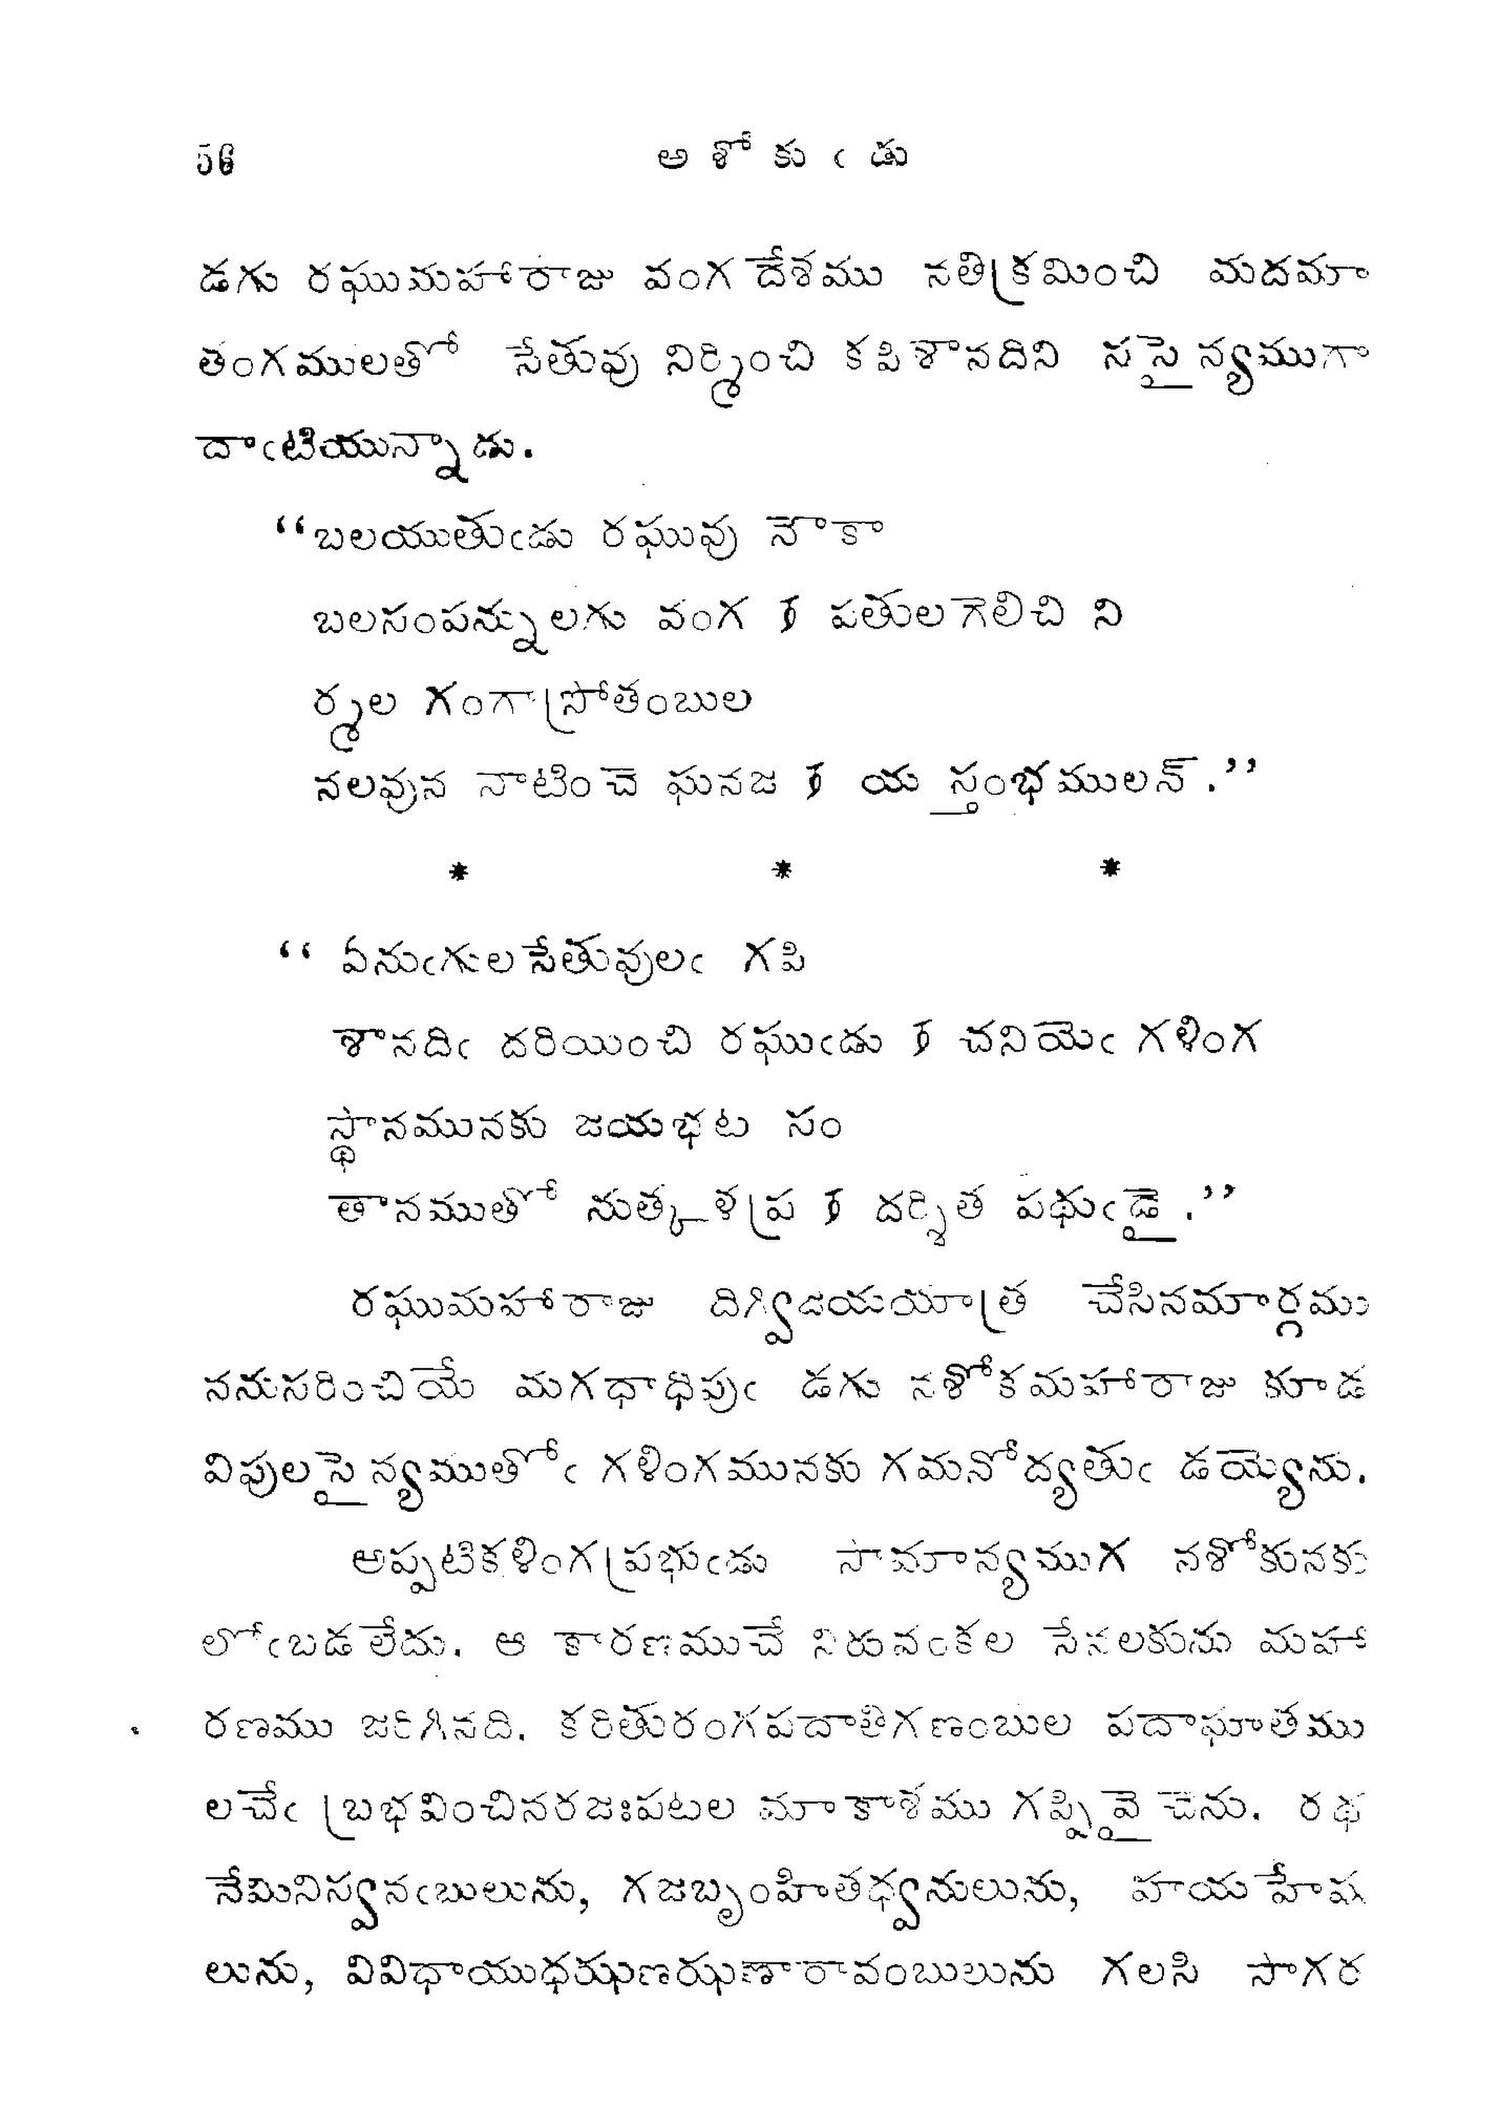డగు రఘుమహారాజు వంగ దేశము నతిక్రమించి మదమాతంగములతో సేతువు నిర్మించి కపిశానదిని ససైన్యముగా దాఁటియున్నాడు.

" బలయుతుఁడు రఘువు నౌకా
బలసంపన్నులగు వంగ | పతుల గెలిచి ని
ర్మల గంగా స్రోతంబుల
నలవున నాటిం చ ఘనజ | య స్తంభములన్ ." 

" ఏనుగుల సేతువులఁ గపి
శానదిఁ దరియించి రఘుఁడు | చనియెఁ గళింగ
స్థానమునకు జయభట సం
తానముతో నుత్కళప్ర | దర్శిత పథుఁడై . "

రఘుమహా రాజు దిగ్విజయయాత్ర చేసిన మార్గము ననుసరించియే మగధాధిపుఁ డగు నశోకమహారాజు కూడ విపుల సైన్యముతోఁ గళింగమునకు గమనోద్యతుఁ డయ్యెను.

అప్పటికళింగ ప్రభుఁడు సామాన్యముగ నశోకునకు లోఁబడ లేదు. ఆ కారణము చే నిరువంకల సేనలకును మహారణము జరిగినది. కరితురంగ పదాదిగణంబుల పదాఘాతములచేఁ బ్రభవించినరజఃపటల మాకాశము గప్పివై చెను. రథ నేమినిస్వనఁబులును, గజబృంహితధ్వనులును, హయ హేషలును, వివిధాయుధఝణఝణారావంబులును గలసి సాగర